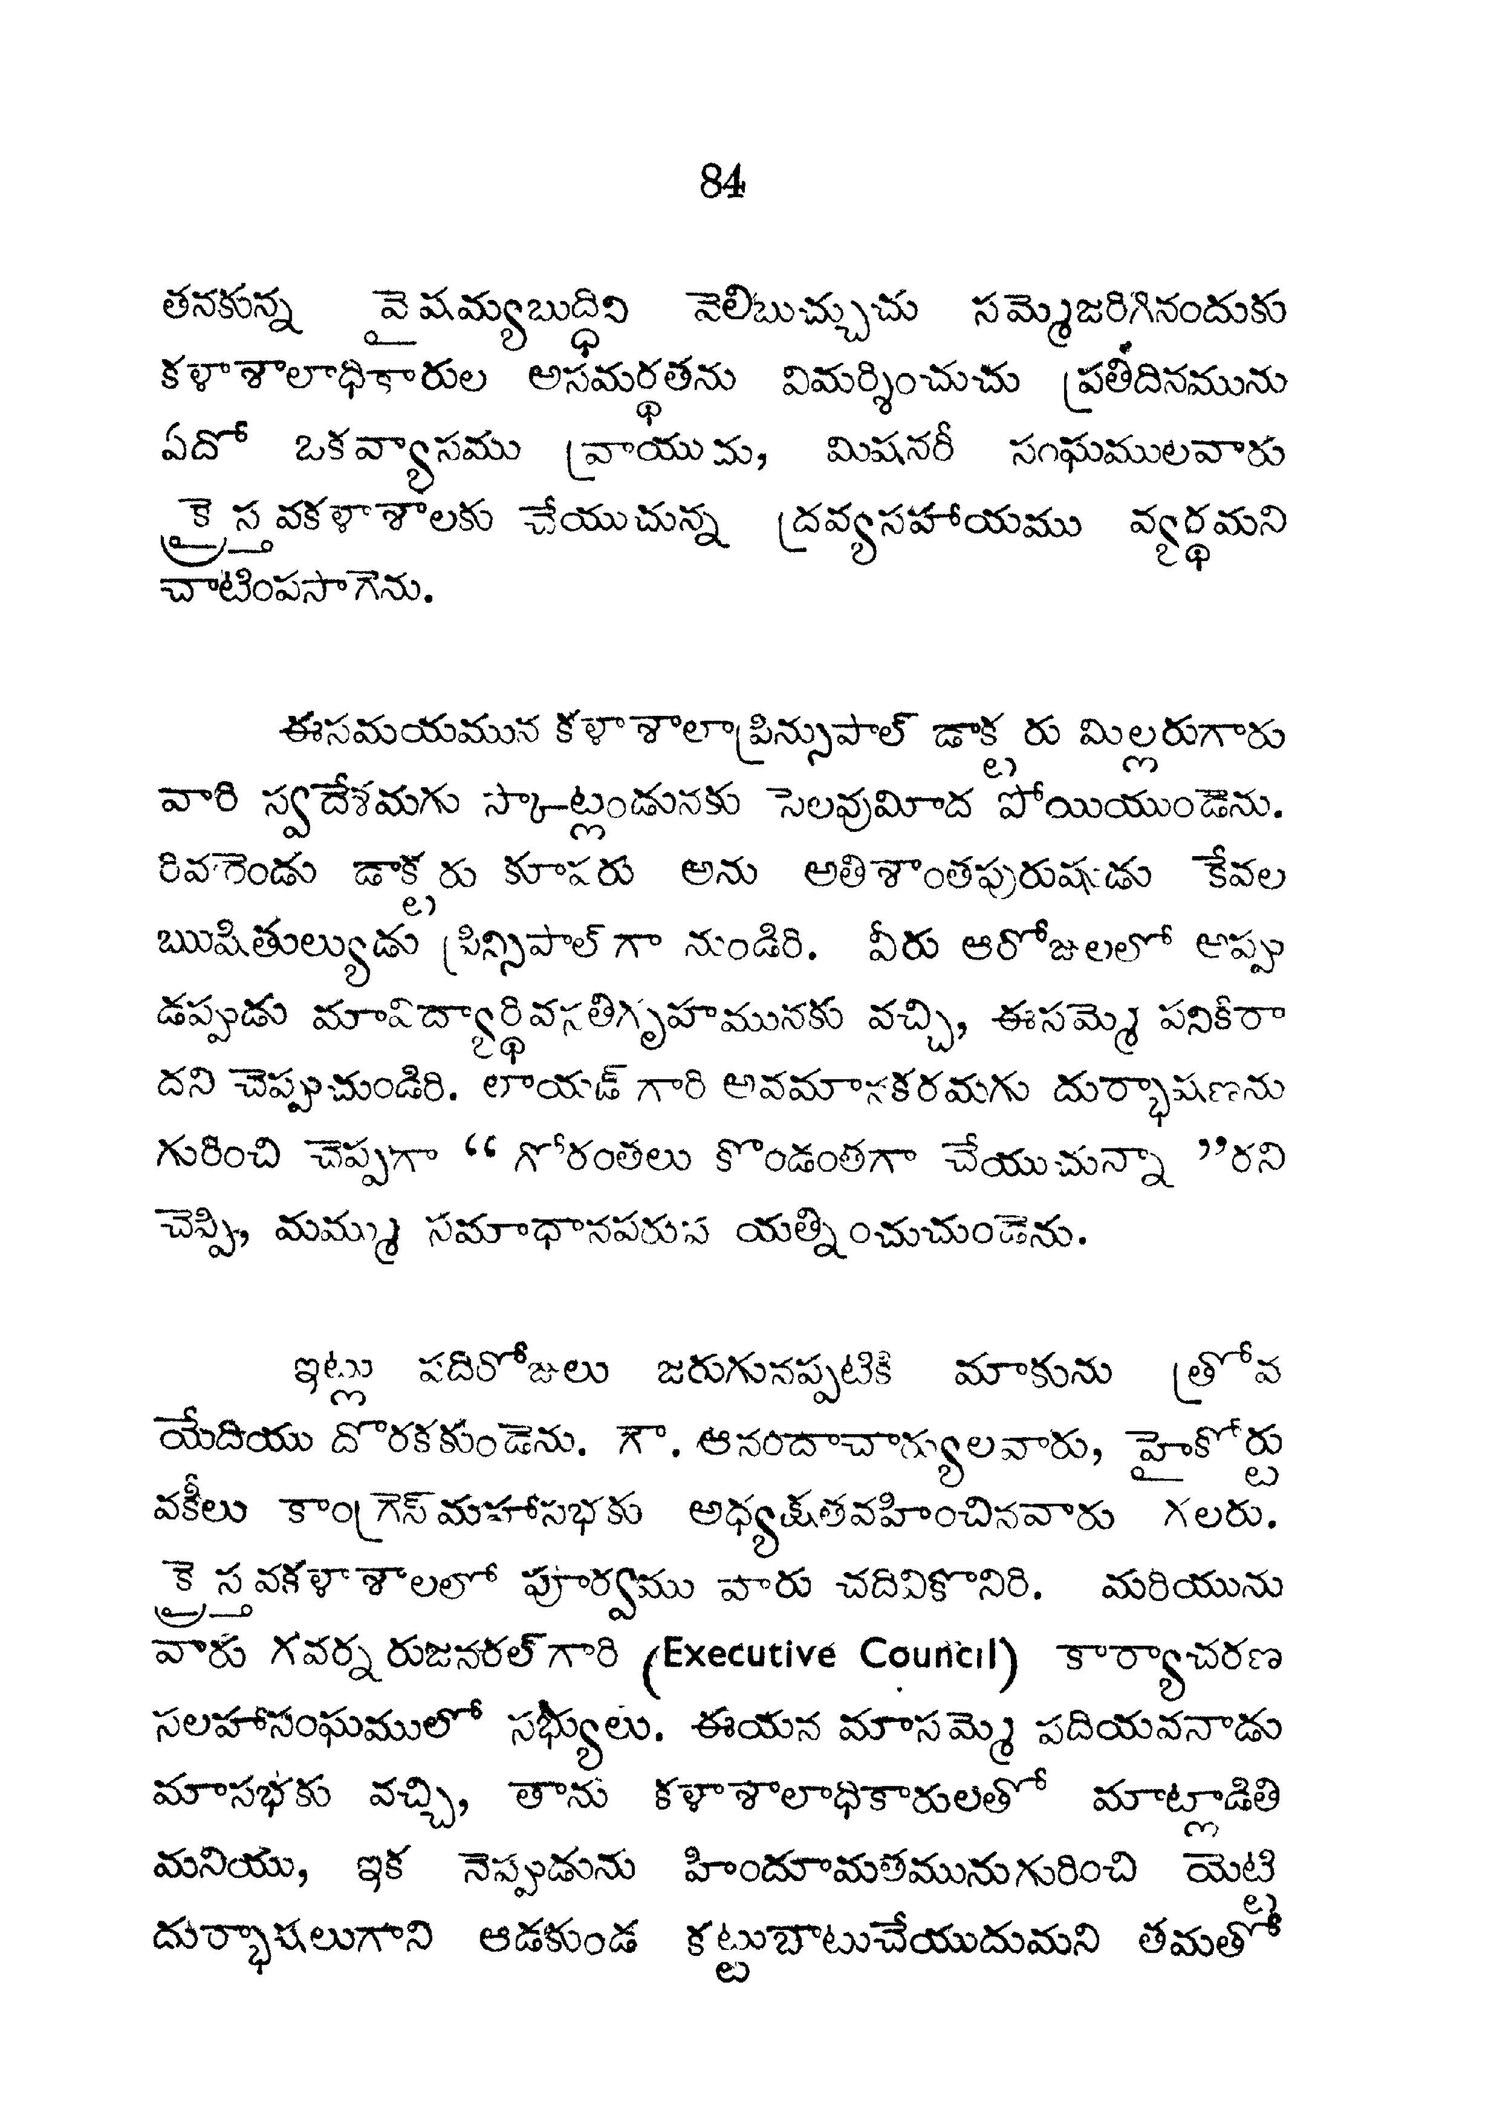తనకున్న వైషమ్యబుద్ధిని వెలిబుచ్చుచు సమ్మెజరిగినందుకు కళాశాలాధికారుల అసమర్థతను విమర్శించుచు ప్రతిదినమును ఏదో ఒకవ్యాసము వ్రాయుచు, మిషనరీ సంఘములవారు క్రైస్తవకళాశాలకు చేయుచున్న ద్రవ్యసహాయము వ్యర్థమని చాటింపసాగెను.

ఈసమయమున కళాశాలాప్రిన్సుపాల్ డాక్టరు మిల్లరుగారు వారి స్వదేశమగు స్కాట్లండునకు సెలవుమీద పోయియుండెను. రివరెండు డాక్టరు కూపరు అను అతిశాంతపురుషుడు కేవల ఋషితుల్యుడు ప్రిన్సిపాల్‌గా నుండిరి. వీరు ఆరోజులలో అప్పుడప్పుడు మావిద్యార్థివసతిగృహమునకు వచ్చి, ఈసమ్మె పనికిరాదని చెప్పుచుండిరి. లాయడ్‌గారి అవమానకరమగు దుర్భాషణను గురించి చెప్పగా "గోరంతలు కొండంతగా చేయుచున్నా" రని చెప్పి, మమ్ము సమాధానపరుప యత్నించుచుండెను.

ఇట్లు పదిరోజులు జరుగునప్పటికి మాకును త్రోవయేదియు దొరకకుండెను. గౌ. ఆనందాచార్యులవారు, హైకోర్టు వకీలు కాంగ్రెస్‌మహాసభకు అధ్యక్షతవహించినవారు గలరు. క్రైస్తవకళాశాలలో పూర్వము వారు చదివికొనిరి. మరియును వారు గవర్నరుజనరల్‌గారి (Executive Council) కార్యాచరణ సలహాసంఘములో సభ్యులు. ఈయన మాసమ్మె పదియవనాడు మాసభకు వచ్చి, తాను కళాశాలాధికారులతో మాట్లాడితి మనియు, ఇక నెప్పుడును హిందూమతమునుగురించి యెట్టి దుర్భాషలుగాని ఆడకుండ కట్టుబాటుచేయుదుమని తమతో